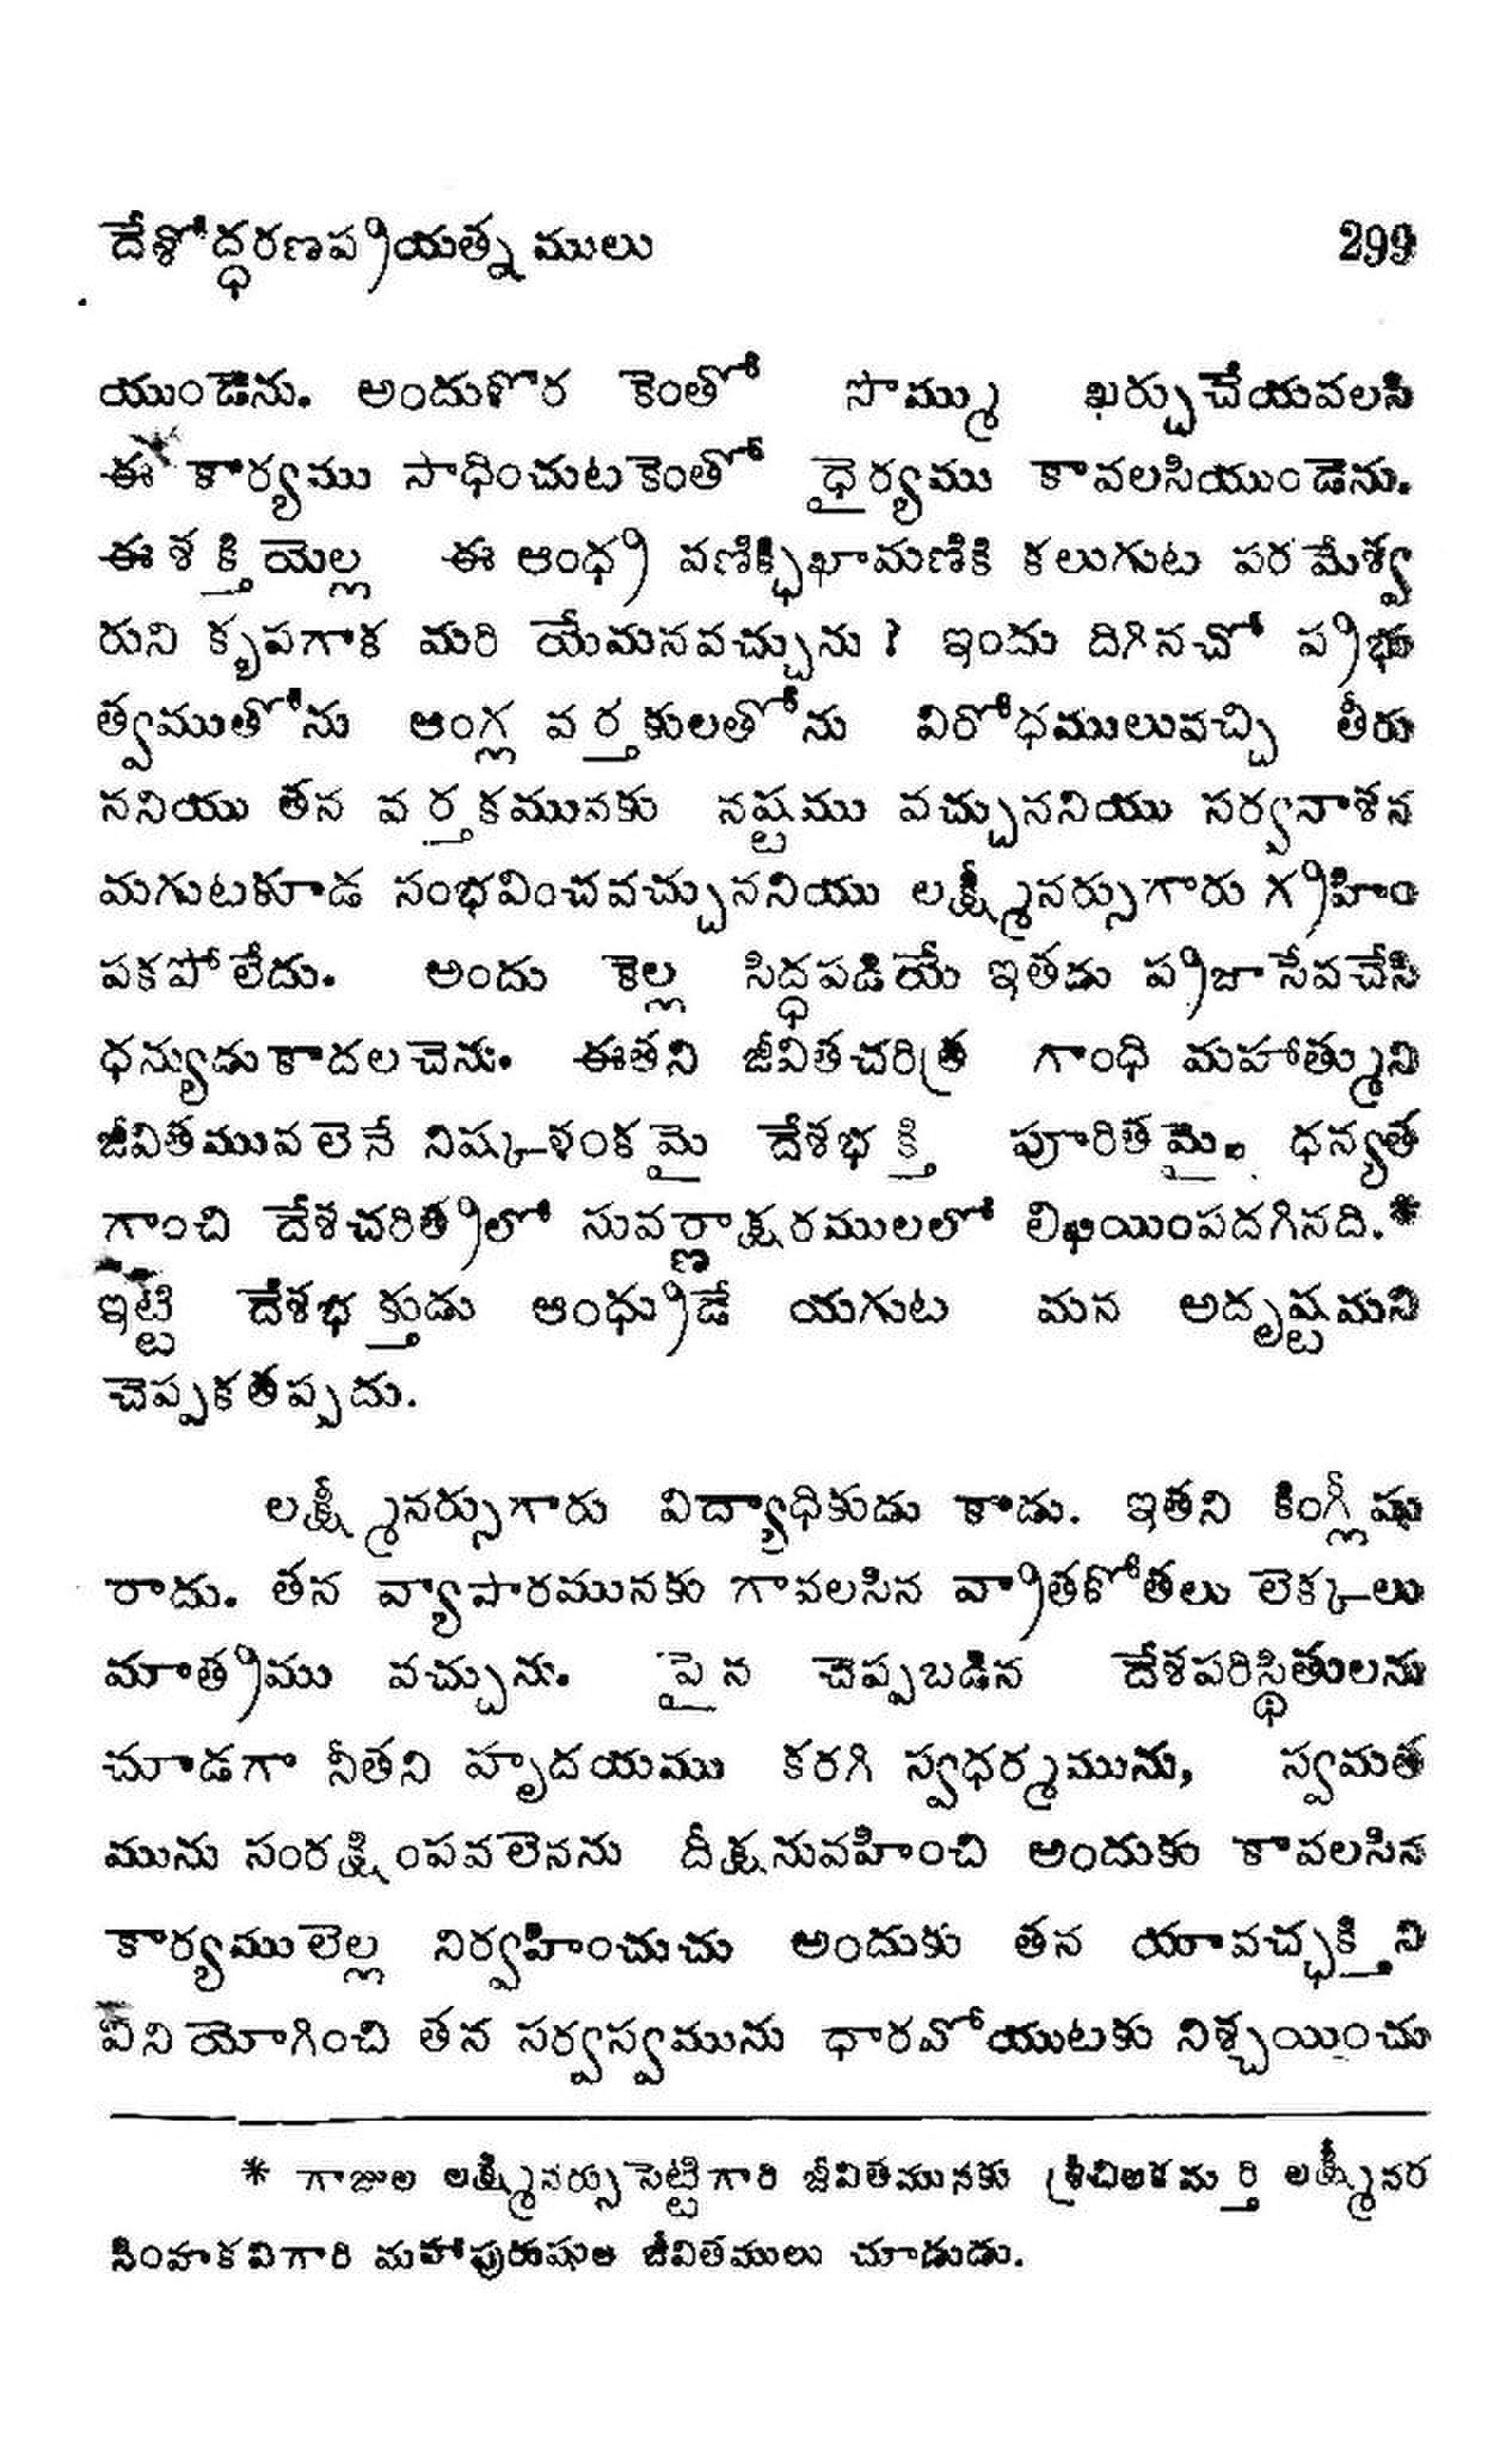యుండెను. అందుకొర కెంతో సొమ్ము ఖర్చు చేయవలసి ఈ కార్యము సాధించుటకెంతో ధైర్యము కావలసియుండెను. ఈ శక్తియెల్ల ఈ ఆంధ్ర వణిక్చిఖామణికి కలుగుట పరమేశ్యరుని కృపగాక మరి యేమనవచ్చును ? ఇందు దిగినచో ప్రభుత్వముతోను ఆంగ్ల వర్తకులతోను విరోధములువచ్చి తీరుననియు తన వర్తకమునకు నష్టము వచ్చుననియు సర్వనాశన మగుటకూడ సంభవించవచ్చుననియు లక్ష్మీనర్సుగారు గ్రహింపకపోలేదు. అందు కెల్ల సిద్ధపడియే ఇతడు ప్రజాసేవచేసి ధన్యుడుకాదలచెను. ఈతని జీవితచరిత్ర గాంధి మహాత్ముని జీవితమువలెనే నిష్కళంకమై దేశభక్తి పూరితమై, ధన్యతగాంచి దేశచరిత్రలో సువర్ణాక్షరములలో లిఖయింపదగినది. ఇట్టి దేశభక్తుడు ఆంధ్రుడే యగుట మన అదృష్టమని చెప్పకతప్పదు.

లక్ష్మీనర్సుగారు. విద్యాధికుడు కాడు. ఇతని కింగ్లీషు రాదు. తన వ్యాపారమునకు గావలసిన వ్రాతకోతలు లెక్కలు మాత్రము వచ్చును. పైన చెప్పబడిన దేశపరిస్థితులను చూడగా నీతని హృదయము కరగి స్వధర్మమును, స్వమతమును సంరక్షింపవలెనను దీక్షనువహించి అందుకు కావలసిన కార్యములెల్ల నిర్వహించుచు అందుకు తన యావచ్ఛక్తిని వినియోగించి తన సర్వస్వమును ధారవోయుటకు నిశ్చయించు